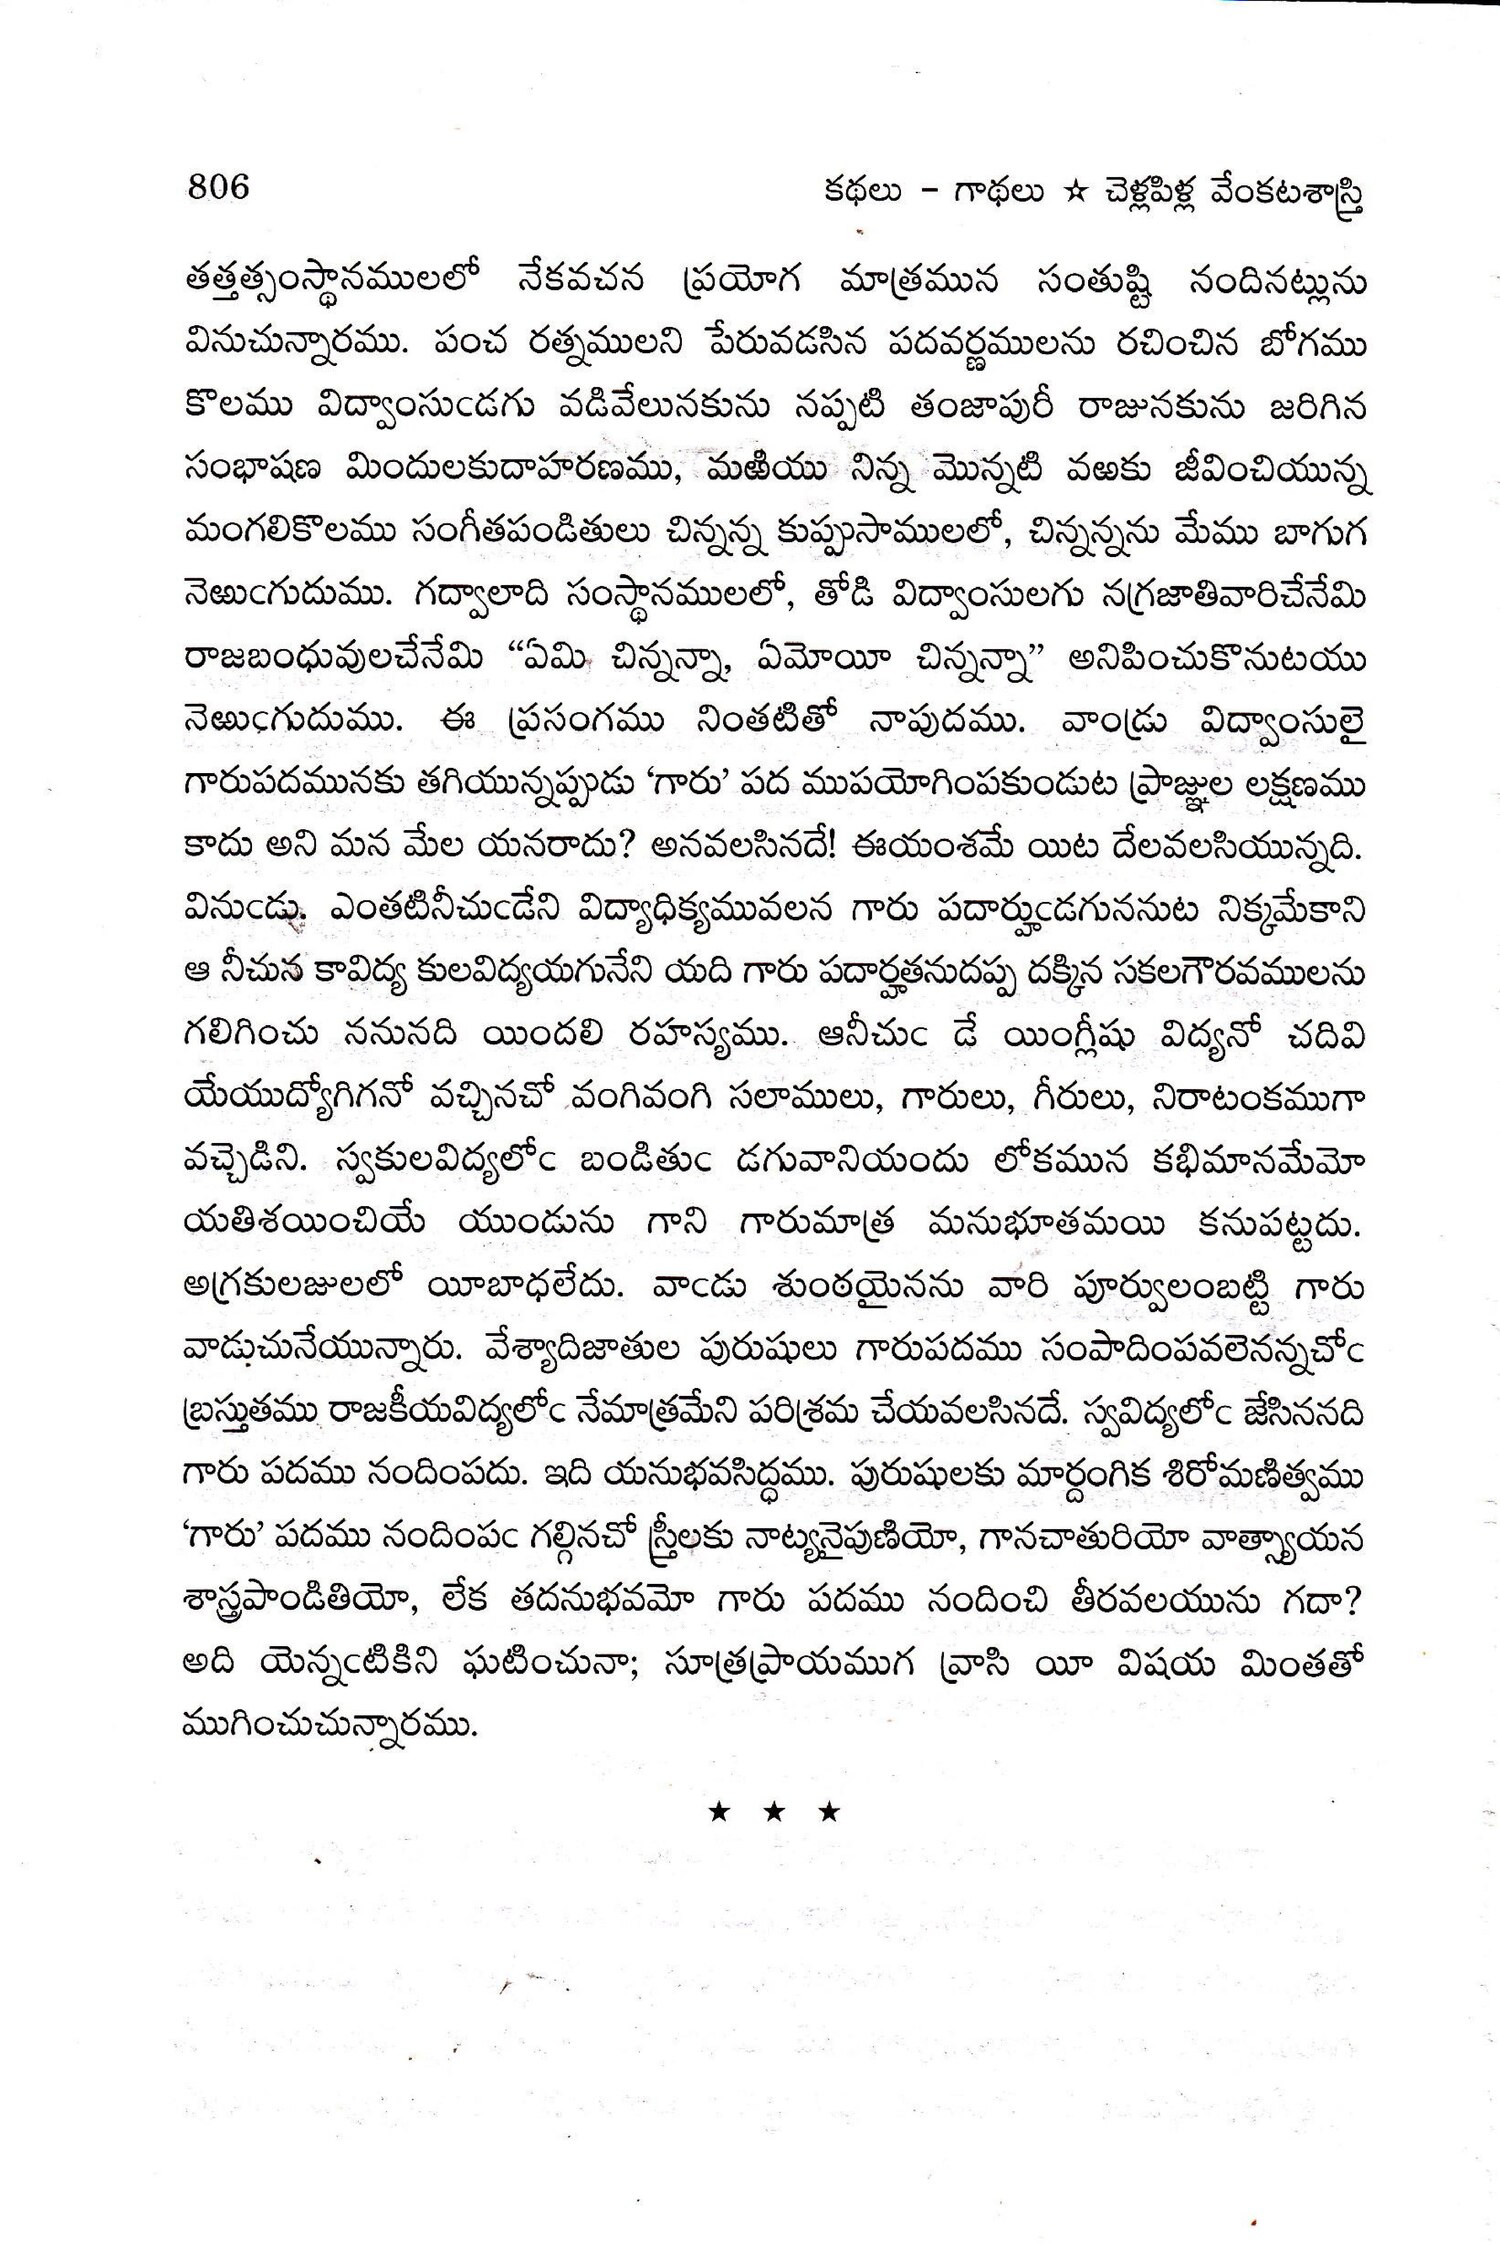తత్తత్సంస్థానములలో నేకవచన ప్రయోగ మాత్రమున సంతుష్టి నందినట్లును వినుచున్నారము. పంచ రత్నములని పేరువడసిన పదవర్ణములను రచించిన బోగము కొలము విద్వాంసుఁడగు వడివేలునకును నప్పటి తంజాపురీ రాజునకును జరిగిన సంభాషణ మిందులకుదాహరణము, మఱియు నిన్న మొన్నటి వఱకు జీవించియున్న మంగలికొలము సంగీతపండితులు చిన్నన్న కుప్పుసాములలో, చిన్నన్నను మేము బాగుగ నెఱుఁగుదుము. గద్వాలాది సంస్థానములలో, తోడి విద్వాంసులగు నగ్రజాతివారిచేనేమి రాజబంధువులచేనేమి “ఏమి చిన్నన్నా ఏమోయీ చిన్నన్నా" అనిపించుకొనుటయు నెఱుఁగుదుము. ఈ ప్రసంగము నింతటితో నాపుదము. వాండ్రు విద్వాంసులై గారుపదమునకు తగియున్నప్పుడు 'గారు' పద ముపయోగింపకుండుట ప్రాజ్ఞుల లక్షణము కాదు అని మన మేల యనరాదు? అనవలసినదే! ఈయంశమే యిట దేలవలసియున్నది. వినుఁడు ఎంతటినీచుఁడేని విద్యాధిక్యమువలన గారు పదార్హుఁడగుననుట నిక్కమేకాని ఆ నీచున కావిద్య కులవిద్యయగునేని యది గారు పదార్హతనుదప్ప దక్కిన సకలగౌరవములను గలిగించు ననునది యిందలి రహస్యము. ఆనీచుఁ డే యింగ్లీషు విద్యనో చదివి యేయుద్యోగిగనో వచ్చినచో వంగివంగి సలాములు, గారులు, గీరులు, నిరాటంకముగా వచ్చెడిని. స్వకులవిద్యలోఁ బండితుఁ డగువానియందు లోకమున కభిమానమేమో యతిశయించియే యుండును గాని గారుమాత్ర మనుభూతమయి కనుపట్టదు. అగ్రకులజులలో యీబాధలేదు. వాఁడు శుంఠయైనను వారి పూర్వులంబట్టి గారు వాడుచునేయున్నారు. వేశ్యాదిజాతుల పురుషులు గారుపదము సంపాదింపవలెనన్నచోఁ బ్రస్తుతము రాజకీయవిద్యలోఁ నేమాత్రమేని పరిశ్రమ చేయవలసినదే. స్వవిద్యలోఁ జేసిననది గారు పదము నందింపదు. ఇది యనుభవసిద్ధము. పురుషులకు మార్దంగిక శిరోమణిత్వము 'గారు' పదము నందింపఁ గల్గినచో స్త్రీలకు నాట్యనైపుణియో, గానచాతురియో వాత్స్యాయన శాస్త్రపాండితియో, లేక తదనుభవమో గారు పదము నందించి తీరవలయును గదా? అది యెన్నఁటికిని ఘటించునా; సూత్రప్రాయముగ వ్రాసి యీ విషయ మింతతో ముగించుచున్నారము.